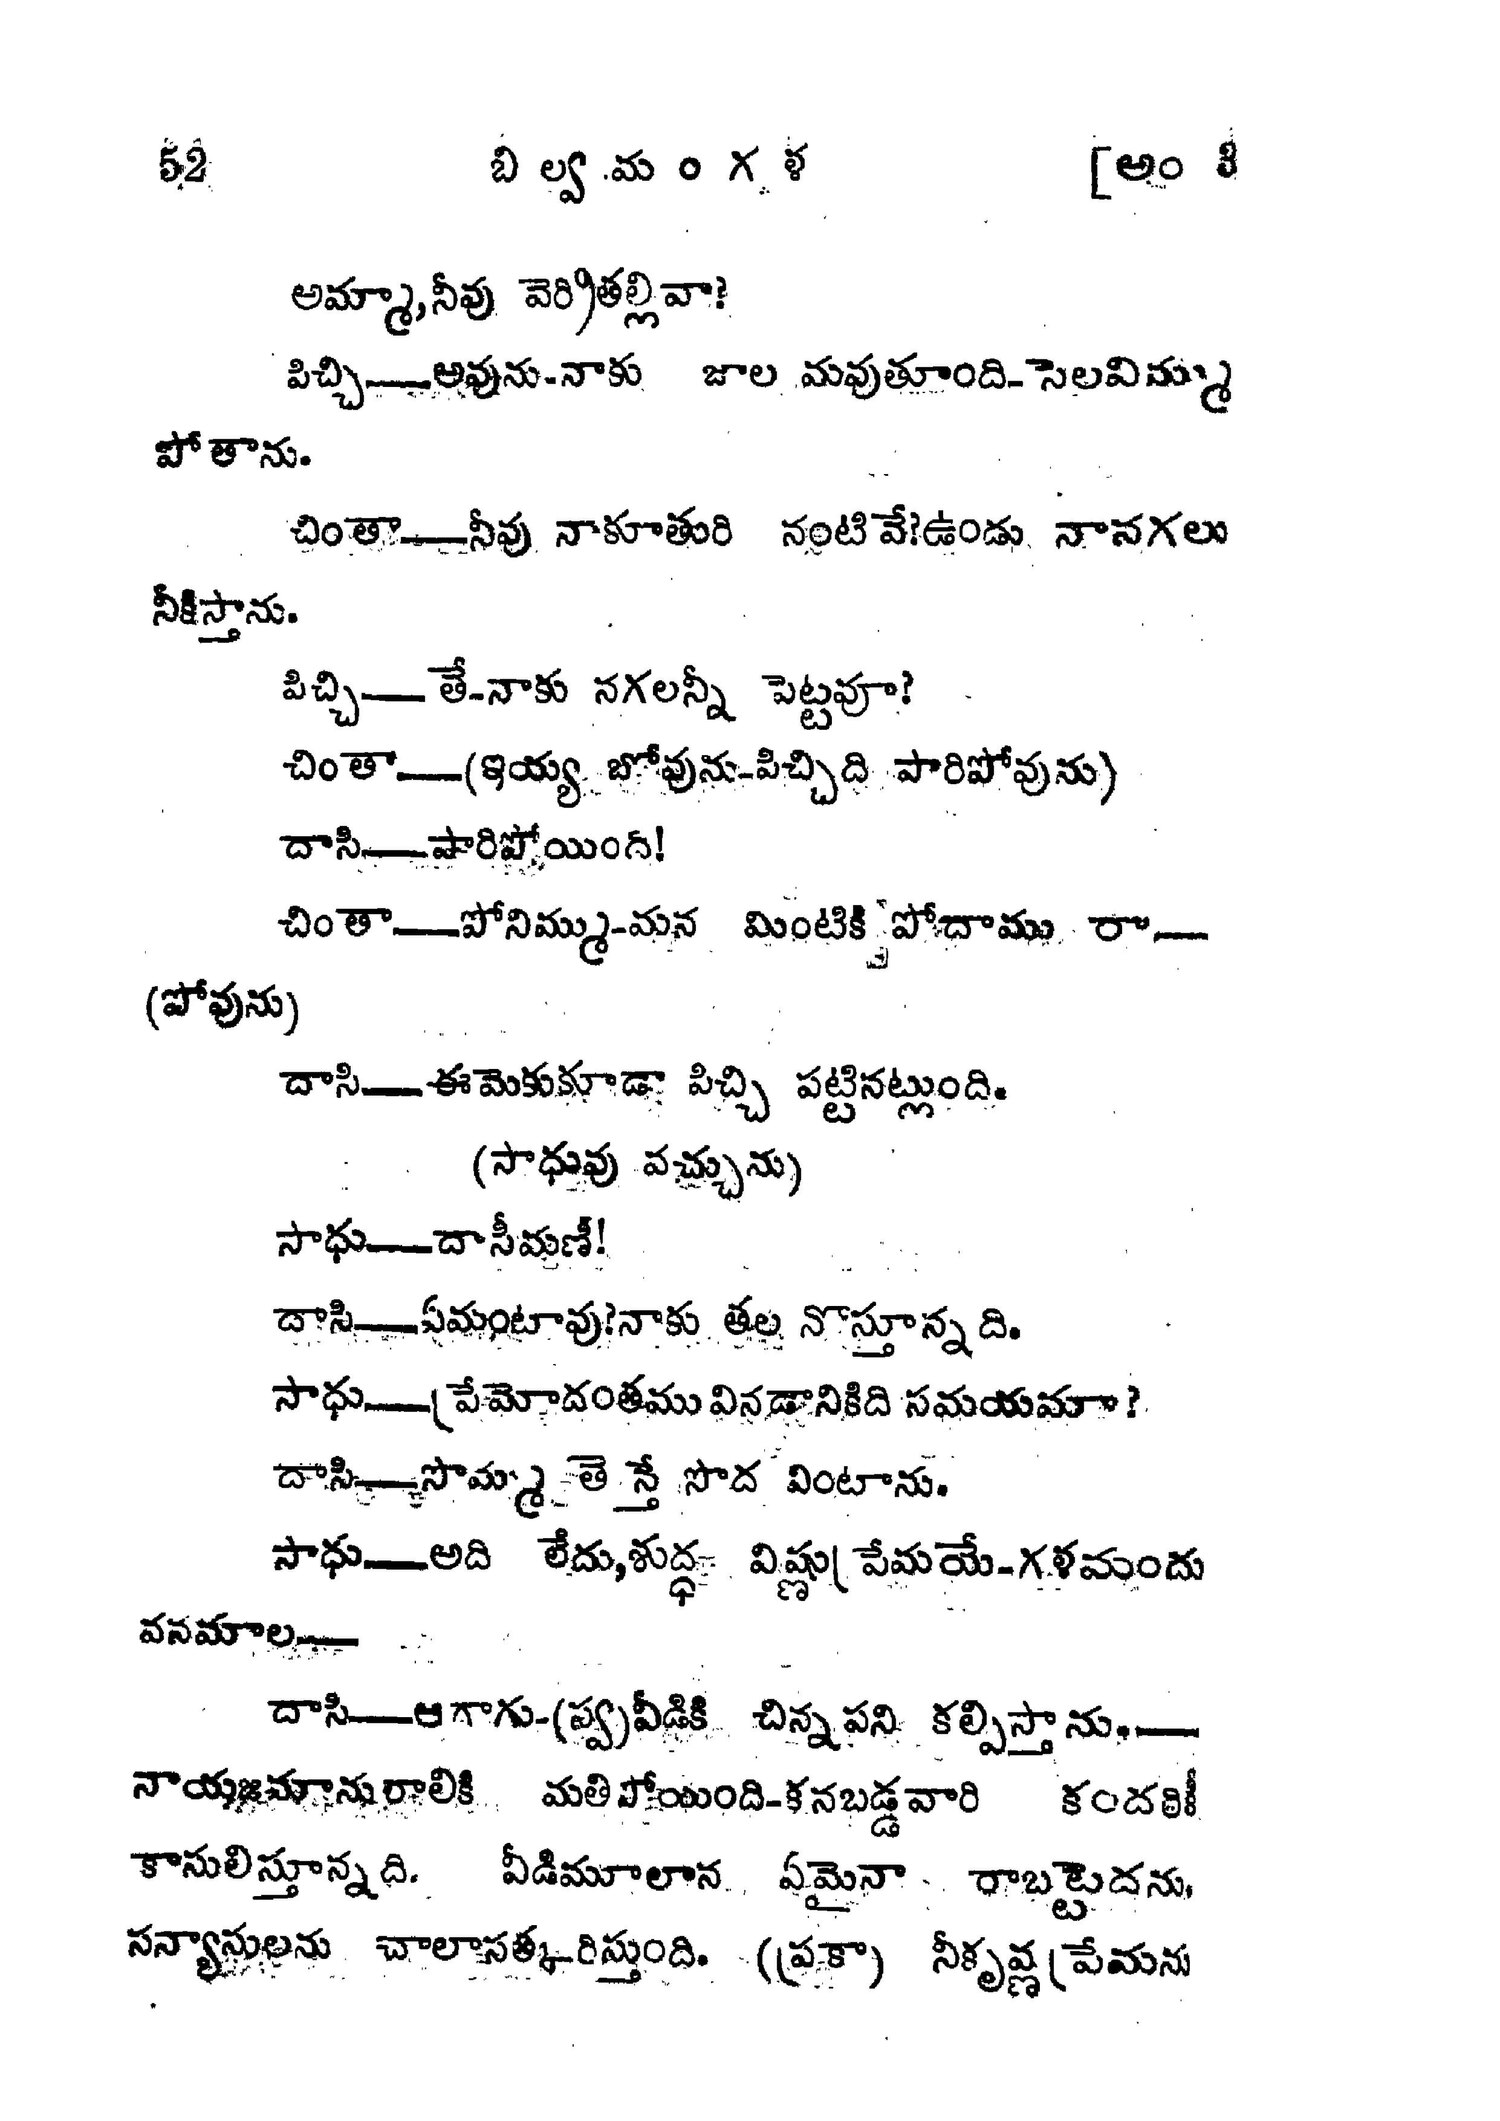అమ్మా, నీవు వెర్రితల్లివా?

పిచ్చి - అవును-నాకు జాల మవుతూంది-సెలవిమ్ము పోతాను.

చింతా - నీవు నాకూతురి నంటివే? ఉండు నానగలు నీకిస్తాను.

పిచ్చి - తే-నాకు నగలన్నీ పెట్టవూ?

చింతా - (ఇయ్య బోవును-పిచ్చిది పారిపోవును)

దాసి - పారిపోయింది!

చింతా - పోనిమ్ము-మన మింటికి పోదాము రా - (పోవును)

దాసి - ఈమెకుకూడా పిచ్చి పట్టినట్లుంది.

సాధు - దాసీమణీ!

దాసి - ఏమంటావు? నాకు తల నొస్తూన్నది.

సాధు - ప్రేమోదంతము వినడానికిది సమయమా?

దాసి - సొమ్ము తెస్తే సొద వింటాను.

సాధు - అది లేదు, శుద్ధ విష్ణుప్రేమయే-గళమందు వనమాల -

దాసి - ఆగాగు-(స్వ)వీడికి చిన్న పని కల్పిస్తాను. - నాయజమానురాలికి మతిపోయింది-కనబడ్డవారి కందరికీ కాసులిస్తూన్నది. వీడిమూలాన ఏమైనా రాబట్టెదను. సన్యాసులను చాలాసత్కరిస్తుంది. (ప్రకా) నీకృష్ణప్రేమను